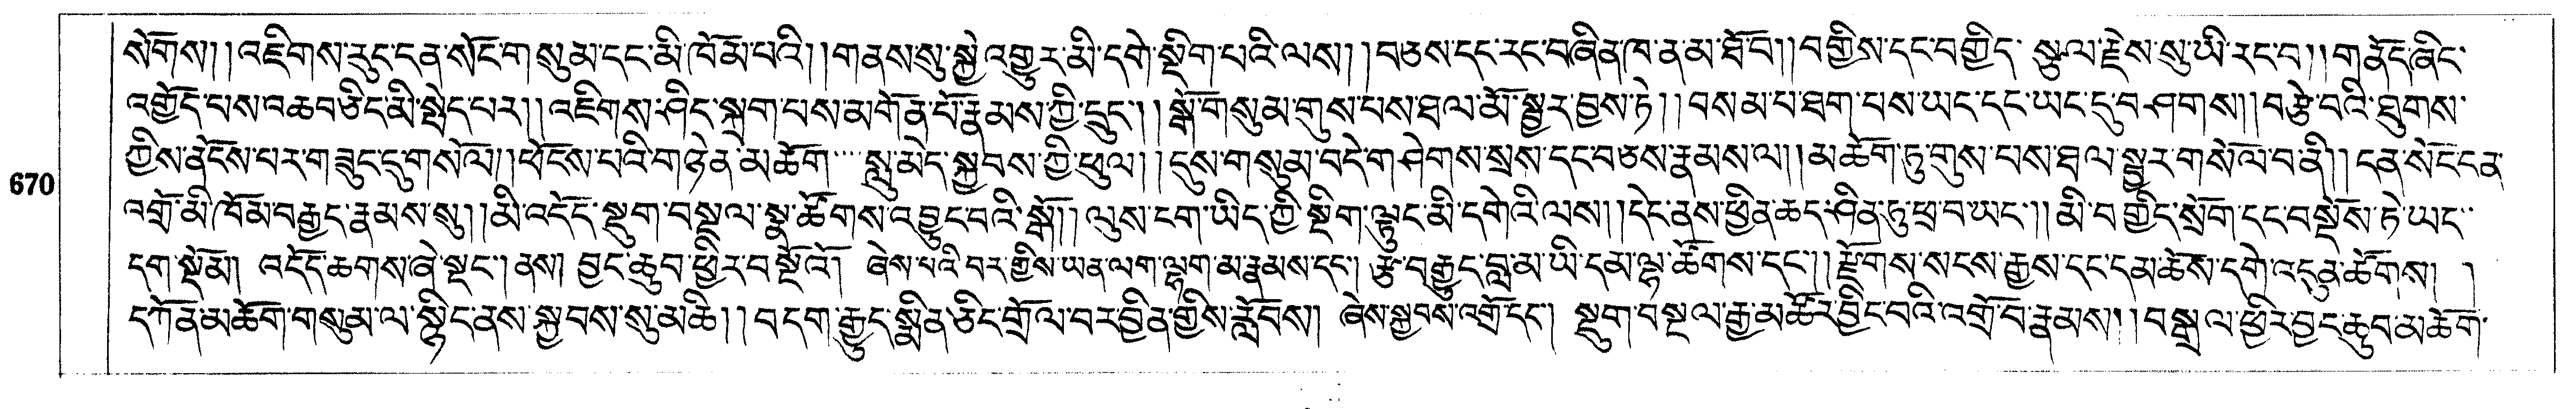སོགས། །འཇིགས་རུང་ངན་སོང་གསུམ་དང་མི་ཁོམ་པའི། །གནས་སུ་སྐྱེ་འགྱུར་མི་དགེ་སྡིག་པའི་ལས། །བཅས་དང་རང་བཞིན་ཁ་ན་མ་ཐོ་བ། །བགྱིས་དང་བགྱིད་སྩལ་རྗེས་སུ་ཡི་རང་བ། །གནོད་ཞིང་
འགྱོད་པས་འཆབ་ཅིང་མི་སྤེད་པར། །འཇིགས་ཤིང་སྐྲག་པས་མགོན་པོ་རྣམས་ཀྱི་དྲུང་། །སྒོ་གསུམ་གུས་པས་ཐལ་མོ་སྦྱར་བྱས་ཏེ། །བསམ་པ་ཐག་པས་ཡང་དང་ཡང་དུ་བཤགས། །བརྩེ་བའི་ཐུགས་
ཀྱིས་ནོངས་པར་གཟུང་དུ་གསོལ། །ཕོངས་པའི་གཉེན་མཆོག་སླུ་མེད་སྐྱབས་ཀྱི་ཕུལ། །དུས་གསུམ་བདེ་གཤེགས་སྲས་དང་བཅས་རྣམས་ལ། །མཆོག་ཏུ་གུས་པས་ཐལ་སྦྱར་གསོལ་བ་ནི། །ངན་སོང་ངན་
འགྲོ་མི་ཁོམ་བརྒྱད་རྣམས་སུ། །མི་འདོད་སྡུག་བསྔལ་སྣ་ཚོགས་འབྱུང་བའི་སྒོ། །ལུས་ངག་ཡིད་ཀྱི་སྡིག་ལྟུང་མི་དགེའི་ལས། །དེང་ནས་ཕྱིན་ཆད་ཤིང་ཏུ་ཕྲ་བ་ཡང་། །མི་བགྱིད་སྲོག་དང་བསྡོས་ཏེ་ཡང་
དག་སྡོམ། འདོད་ཆགས་ཞེ་སྡང་། བྱང་ཆུབ་ཕྱིར་བསྔོའོ། ཞེས་པའི་བར་གྱིས་ཡན་ལག་ལྷག་མ་རྣམས་དང། རྩ་བརྒྱུད་བླ་མ་ཡི་དམ་ལྷ་ཚོགས་དང་། །རྫོགས་སངས་རྒྱས་དང་དམ་ཆོས་དགེ་འདུན་ཚོགས། །
དཀོན་མཆོག་གསུམ་ལ་སྙིང་ནས་སྐྱབས་སུ་མཆི། །བདག་རྒྱུད་སྨིན་ཅིང་གྲོལ་བར་བྱིན་གྱིས་རླབས། ཞེས་སྐྱབས་འགྲོ་དང་། སྡུག་བསྔལ་རྒྱ་མཚོར་བྱིང་བའི་འགྲོ་བ་རྣམས། །བསྒྲལ་ཕྱིར་བྱང་ཆུབ་མཆོག་